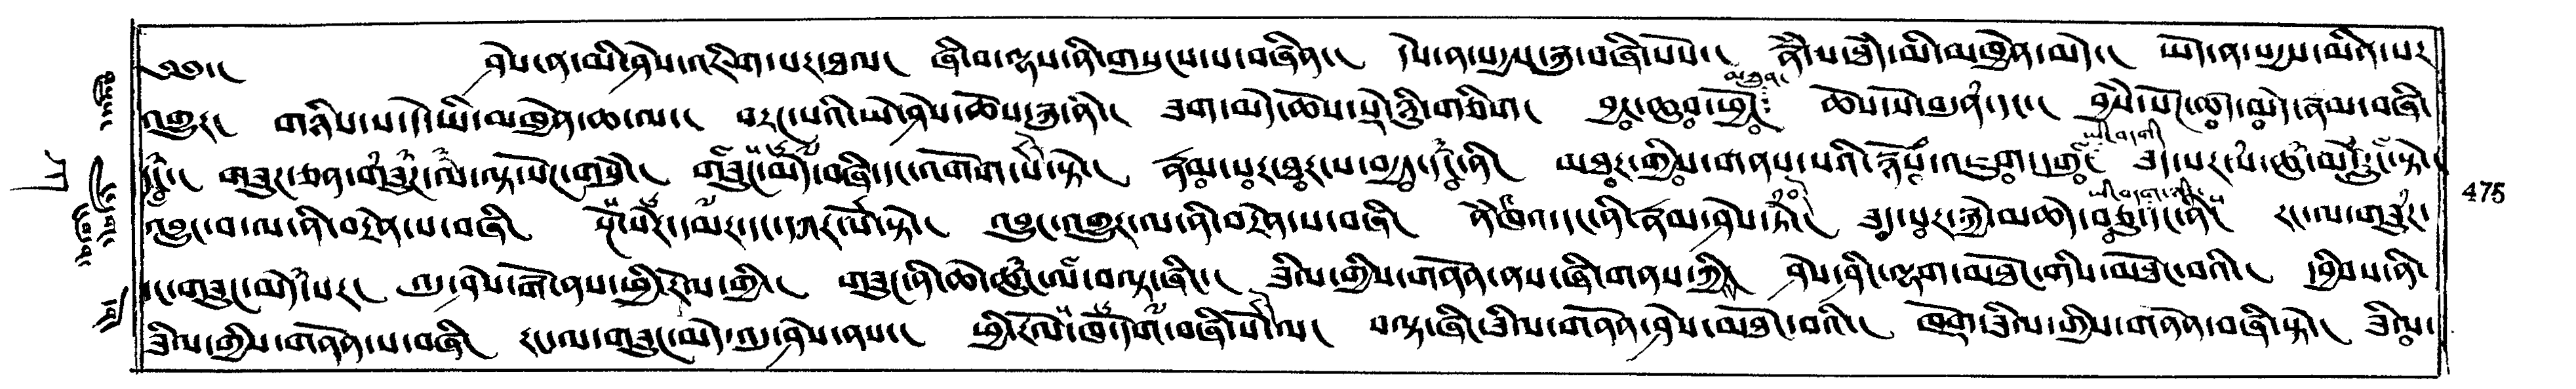ཤེས་ན་མི་ཤེས་འཇིག་པར་ཐལ། །ཞི་བ་ལྷས་ནི་གསུངས་པ་བཞིན། །དེས་ན་སངས་རྒྱས་སྐུ་བཞི་པོས། །རྣམ་པ་ཐམས་ཅད་མི་མཁྱེན་མེད། །ཡོད་ན་སངས་རྒྱས་མིན་པར་
འགྱུར། །གཉིས་པ་དེ་ཡི་མཁྱེན་ཆ་ལ། །བརྟགས་པའི་ཡེ་ཤེས་ཆོས་སྐུ་ནི། །ཟག་མེད་ཆོས་སྡེ་ཉི་ཤུ་གཅིག །བྱང་ཆུབ་ཕྱོགས་མཐུན་ཆོས་སོ་བདུན་དང་། །བྱམས་སོགས་ཚད་མེད་རྣམ་བཞི་
དང་། །གཟུགས་ཅན་གཟུགས་ལ་ལྟ་སོགས་གསུམ། །གཟུགས་མེད་བཞི་དང་འགོག་པ་སྟེ། །རྣམ་པར་ཐར་པ་བརྒྱད་དང་ནི། །མཐར་གྱིས་གནས་པའི་སྙོམས་འཇུག་དགུ།། ཡི་བདག་ཉིད། ཟད་པར་ས་ཆུ་མེ་རླུང་སྟེ། །
འབྱུང་བ་ལ་ནི་བརྟེན་པ་བཞི། །སྔོ་སེར་དམར་དང་དཀར་པོ་སྟེ། །འབྱུང་འགྱུར་ལ་ནི་བརྟེན་པ་བཞི། །ནམ་མཁའ་དང་ནི་རྣམ་ཤེས་ཏེ། །ཟད་པར་སྐྱེ་མཆེད་བཅུ་ཡི་བདག་ཉིད་དང་ནི། །རང་ལ་གཟུགས་
དང་གཟུགས་མེད་པར། །འདུ་ཤེས་སྒོ་ནས་ཕྱི་རོལ་གྱི། །གཟུགས་ནི་ཆེ་ཆུང་ལ་བལྟ་ཞིང་། །ཟིལ་གྱིས་གནོན་ནས་ཞི་གནས་ཀྱིས། །ཤེས་ཤིང་ལྷག་མཐོང་གིས་མཐོང་བའི། །དབྱིབས་ནི་
ཟིལ་གྱིས་གནོན་པ་བཞི། །རང་ལ་གཟུགས་མེད་འདུ་ཤེས་ནས། །ཕྱི་རོལ་ཁ་དོག་བཞི་པོ་ལ། །བལྟ་ཞིང་ཟིལ་གནོན་ཤེས་མཐོང་བའི། །ཁ་དོག་ཟིལ་གྱིས་གནོན་བཞི་སྟེ། །ཟིལ་